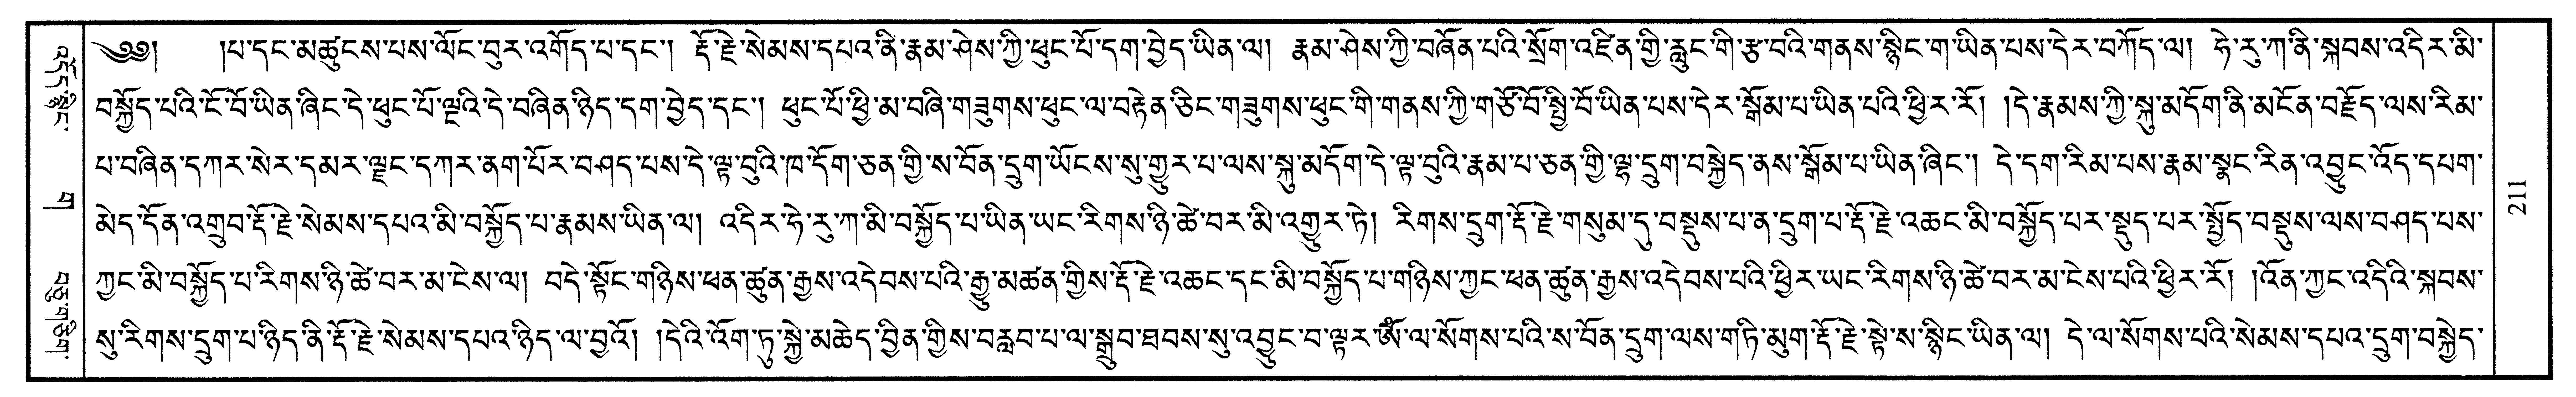༄༅། །པ་དང་མཚུངས་པས་ལོང་བུར་འགོད་པ་དང་། རྡོ་རྗེ་སེམས་དཔའ་ནི་རྣམ་ཤེས་ཀྱི་ཕུང་པོ་དག་བྱེད་ཡིན་ལ། རྣམ་ཤེས་ཀྱི་བཞོན་པའི་སྲོག་འཛིན་གྱི་རླུང་གི་རྩ་བའི་གནས་སྙིང་ག་ཡིན་པས་དེར་བཀོད་ལ། ཧེ་རུ་ཀ་ནི་སྐབས་འདིར་མི་
བསྐྱོད་པའི་ངོ་བོ་ཡིན་ཞིང་དེ་ཕུང་པོ་ལྔའི་དེ་བཞིན་ཉིད་དག་བྱེད་དང་། ཕུང་པོ་ཕྱི་མ་བཞི་གཟུགས་ཕུང་ལ་བརྟེན་ཅིང་གཟུགས་ཕུང་གི་གནས་ཀྱི་གཙོ་བོ་སྤྱི་བོ་ཡིན་པས་དེར་སྒོམ་པ་ཡིན་པའི་ཕྱིར་རོ། །དེ་རྣམས་ཀྱི་སྐུ་མདོག་ནི་མངོན་བརྗོད་ལས་རིམ་
པ་བཞིན་དཀར་སེར་དམར་ལྗང་དཀར་ནག་པོར་བཤད་པས་དེ་ལྟ་བུའི་ཁ་དོག་ཅན་གྱི་ས་བོན་དྲུག་ཡོངས་སུ་གྱུར་པ་ལས་སྐུ་མདོག་དེ་ལྟ་བུའི་རྣམ་པ་ཅན་གྱི་ལྷ་དྲུག་བསྐྱེད་ནས་སྒོམ་པ་ཡིན་ཞིང་། དེ་དག་རིམ་པས་རྣམ་སྣང་རིན་འབྱུང་འོད་དཔག་
མེད་དོན་འགྲུབ་རྡོ་རྗེ་སེམས་དཔའ་མི་བསྐྱོད་པ་རྣམས་ཡིན་ལ། འདིར་ཧེ་རུ་ཀ་མི་བསྐྱོད་པ་ཡིན་ཡང་རིགས་ཉི་ཚེ་བར་མི་འགྱུར་ཏེ། རིགས་དྲུག་རྡོ་རྗེ་གསུམ་དུ་བསྡུས་པ་ན་དྲུག་པ་རྡོ་རྗེ་འཆང་མི་བསྐྱོད་པར་སྡུད་པར་སྤྱོད་བསྡུས་ལས་བཤད་པས་
ཀྱང་མི་བསྐྱོད་པ་རིགས་ཉི་ཚེ་བར་མ་ངེས་ལ། བདེ་སྟོང་གཉིས་ཕན་ཚུན་རྒྱས་འདེབས་པའི་རྒྱུ་མཚན་གྱིས་རྡོ་རྗེ་འཆང་དང་མི་བསྐྱོད་པ་གཉིས་ཀྱང་ཕན་ཚུན་རྒྱས་འདེབས་པའི་ཕྱིར་ཡང་རིགས་ཉི་ཚེ་བར་མ་ངེས་པའི་ཕྱིར་རོ། །འོན་ཀྱང་འདིའི་སྐབས་
སུ་རིགས་དྲུག་པ་ཉིད་ནི་རྡོ་རྗེ་སེམས་དཔའ་ཉིད་ལ་བྱའོ། །དེའི་འོག་ཏུ་སྐྱེ་མཆེད་བྱིན་གྱིས་བརླབ་པ་ལ་སྒྲུབ་ཐབས་སུ་འབྱུང་བ་ལྟར་ཨོཾ་ལ་སོགས་པའི་ས་བོན་དྲུག་ལས་གཏི་མུག་རྡོ་རྗེ་སྟེ་ས་སྙིང་ཡིན་ལ། དེ་ལ་སོགས་པའི་སེམས་དཔའ་དྲུག་བསྐྱེད་